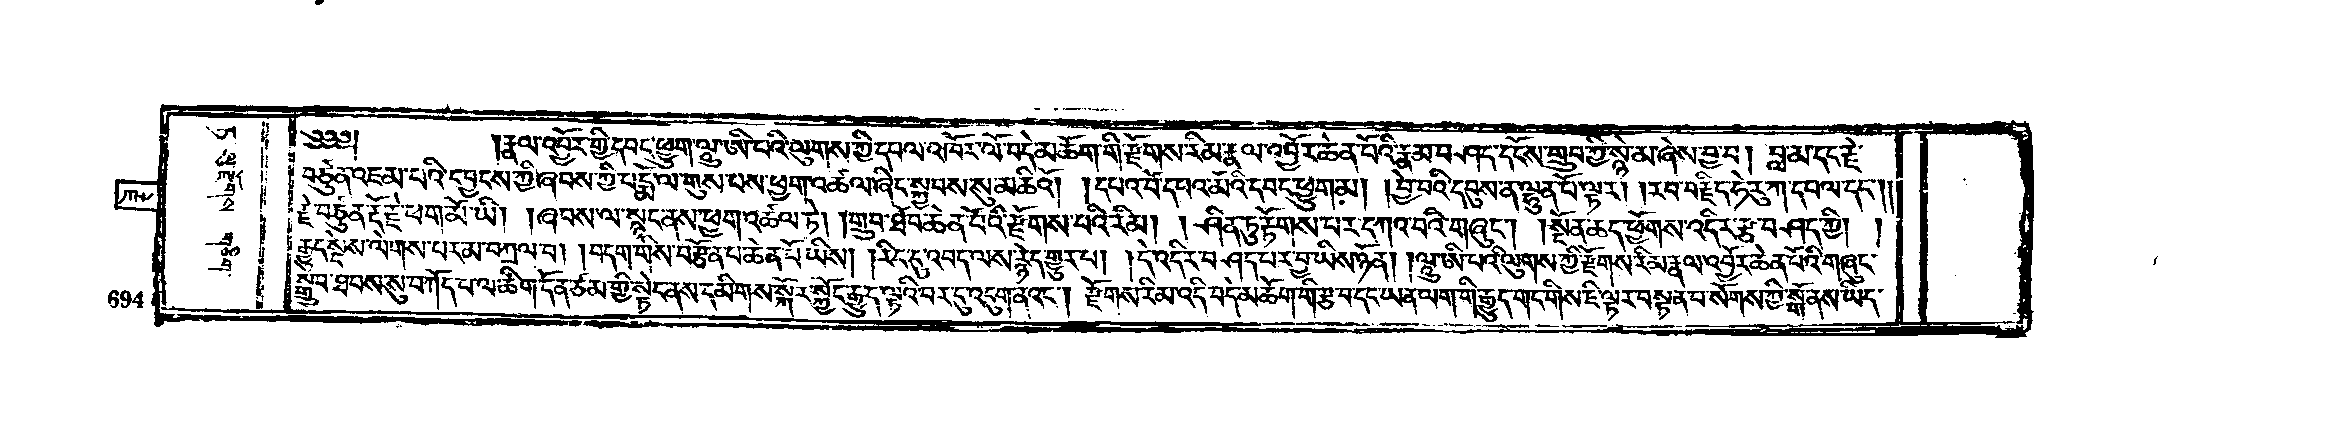༄༅༅། །རྣལ་འབྱོར་གྱི་དབང་ཕྱུག་ལཱུ་ཨི་པའི་ལུགས་ཀྱི་དཔལ་འཁོར་ལོ་བདེ་མཆོག་གི་རྫོགས་རིམ་རྣལ་འབྱོར་ཆེན་པོའི་རྣམ་བཤད་དངོས་གྲུབ་ཀྱི་སྙེ་མ་ཞེས་བྱ་བ། བླ་མ་དང་རྗེ་
བཙུན་འཇམ་པའི་དབྱངས་ཀྱི་ཞབས་ཀྱི་པདམོ་ལ་གུས་པས་ཕྱག་འཚལ་ཞིང་སྐྱབས་སུ་མཆིའོ། །དཔའ་བོ་དཔའ་མོའི་དབང་ཕྱུག་མ། །བྱེ་བའི་དབུས་ན་ལྷུན་པོ་ལྟར། །རབ་བརྗིད་ཧེ་རུ་ཀ་དཔལ་དང་། །
རྗེ་བཙུན་རྡོ་རྗེ་ཕག་མོ་ཡི། །ཞབས་ལ་སྙིང་ནས་ཕྱག་འཚལ་ཏེ། །གྲུབ་ཐོབ་ཆེན་པོའི་རྫོགས་པའི་རིམ། །ཤིན་ཏུ་རྟོགས་པར་དཀའ་བའི་གཞུང་། །སྔོན་ཆད་ཕྱོགས་འདིར་རྩ་བཤད་ཀྱི། །
རྒྱུད་སྡེས་ལེགས་པར་མ་བཀྲལ་བ། །བདག་གིས་བརྩོན་པ་ཆེན་པོ་ཡིས། །རིང་དུ་འབད་ལས་རྙེད་གྱུར་པ། །དེ་འདིར་བཤད་པར་བྱ་ཡིས་ཉོན། །ལཱུ་ཨི་པའི་ལུགས་ཀྱི་རྫོགས་རིམ་རྣལ་འབྱོར་ཆེན་པོའི་གཞུང་
སྒྲུབ་ཐབས་སུ་བཀོད་པ་ལ་ཚིག་དོན་ཙམ་གྱི་སྟེང་ནས་དམིགས་སྐོར་སྐྱོང་རྒྱུ་ད་ལྟའི་བར་དུ་འདུག་ནའང་། རྫོགས་རིམ་འདི་བདེ་མཆོག་གི་རྩ་བ་དང་ཡན་ལག་གི་རྒྱུད་གང་གིས་ཇི་ལྟར་བསྟན་པ་སོགས་ཀྱི་སྒོ་ནས་ཡིད་